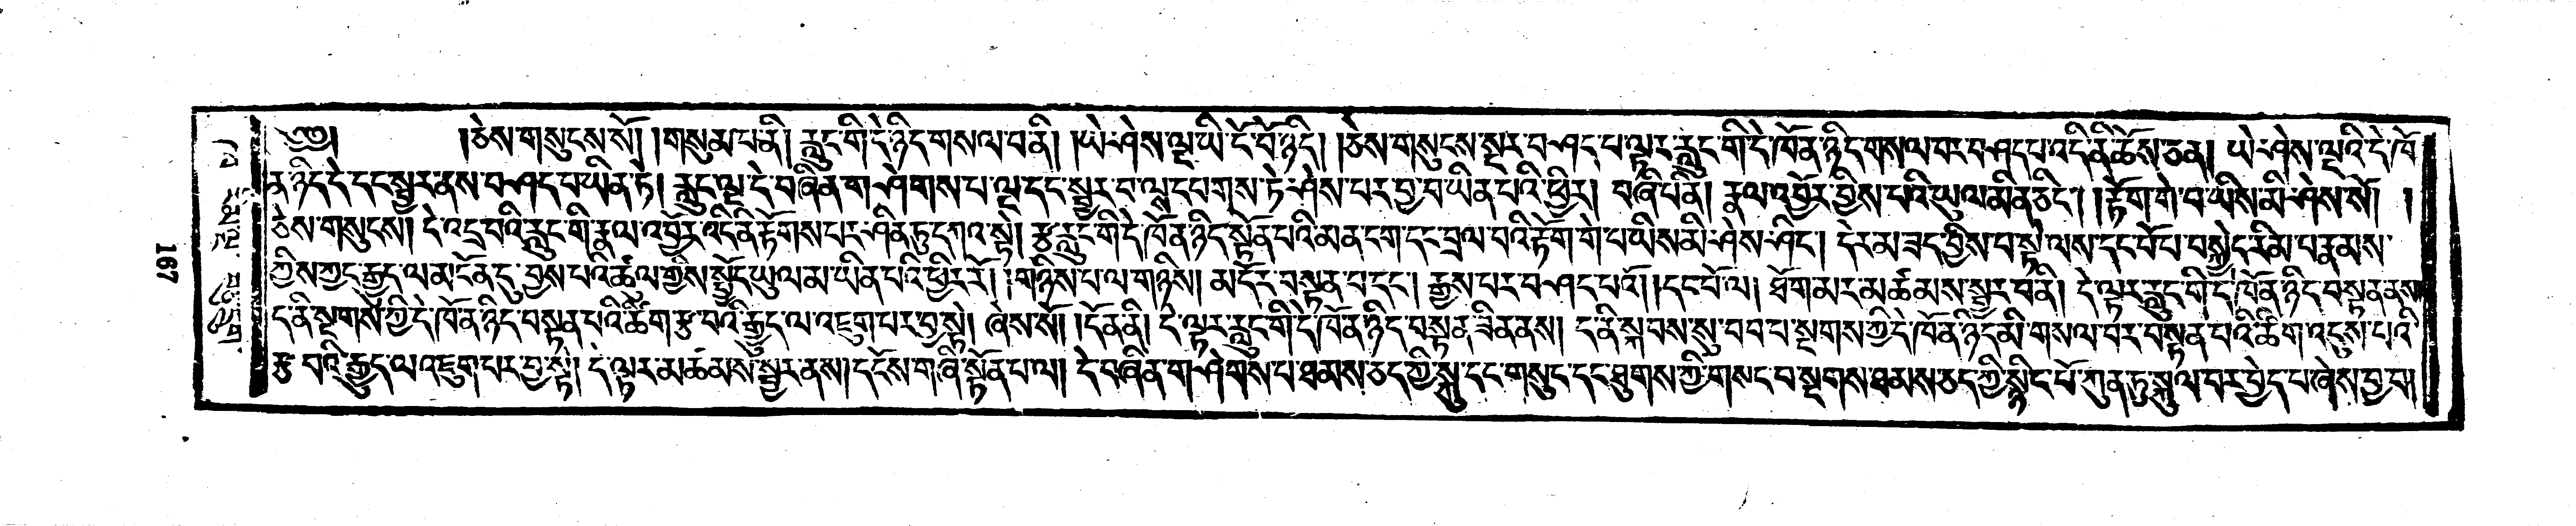༄༅། །ཅེས་གསུངས་སོ། །གསུམ་པ་ནི། རླུང་གི་དེ་ཉིད་གསལ་བ་ནི། །ཡེ་ཤེས་ལྔ་ཡི་ངོ་བོ་ཉིད། །ཅེས་གསུངས་སྔར་བཤད་པ་ལྟར་རླུང་གི་དེ་ཁོ་ན་ཉིད་གསལ་བར་བཤད་པ་འདི་ནི་ཆོས་ཅན། ཡེ་ཤེས་ལྔའི་དེ་ཁོ་
ན་ཉིད་དེ་དང་སྦྱར་ནས་བཤད་པ་ཡིན་ཏེ། རླུང་ལ་དེ་བཞིན་གཤེགས་པ་ལྔ་དང་སྦྱར་བ་ལས་དཔགས་ཏེ་ཤེས་པར་བྱ་བ་ཡིན་པའི་ཕྱིར། བཞི་པ་ནི། རྣལ་འབྱོར་བྱིས་པའི་ཡུལ་མིན་ཅིང་། །རྟོག་གེ་པ་ཡིས་མི་ཤེས་སོ། །
ཅེས་གསུངས། དེ་འདྲ་བའི་རླུང་གི་རྣལ་འབྱོར་འདི་ནི་རྟོགས་པར་ཤིན་ཏུ་དཀའ་སྟེ། རྩ་རླུང་གི་དེ་ཁོ་ན་ཉིད་སྟོན་པའི་མན་ངག་དང་བྲལ་བའི་རྟོག་གེ་པ་ཡིས་མི་ཤེས་ཤིང་།དེར་མ་ཟད་བྱིས་པ་སྟེ་ལས་དང་པོ་པ་བསྐྱེད་རིམ་པ་རྣམས་
ཀྱིས་ཀྱང་རྒྱུད་ལ་མངོན་དུ་བྱས་པའི་ཚུལ་གྱིས་སྤྱོད་ཡུལ་མ་ཡིན་པའི་ཕྱིར་རོ། །གཉིས་པ་ལ་གཉིས། མདོར་བསྟན་པ་དང་། རྒྱས་པར་བཤད་པའོ། །དང་པོ་ལ། ཐོག་མར་མཚམས་སྦྱར་བ་ནི། དེ་ལྟར་རླུང་གི་དེ་ཁོ་ན་ཉིད་བསྟན་ནས་
ད་ནི་སྔགས་ཀྱི་དེ་ཁོ་ན་ཉིད་བསྟན་པའི་ཚིག་རྩ་བའི་རྒྱུད་ལ་འཇུག་པར་བྱ་སྟེ། ཞེས་སོ། །དོན་ནི། དེ་ལྟར་རླུང་གི་དེ་ཁོ་ན་ཉིད་བསྟན་ཟིན་ནས། ད་ནི་སྐབས་སུ་བབ་པ་སྔགས་ཀྱི་དེ་ཁོ་ན་ཉིད་མི་གསལ་བར་བསྟན་པའི་ཚིག་འདུས་པའི་
རྩ་བའི་རྒྱུད་ལ་འཇུག་པར་བྱ་སྟེ། དེ་ལྟར་མཚམས་སྦྱར་ནས། དངོས་གཞི་སྟོན་པ་ལ། དེ་བཞིན་གཤེགས་པ་ཐམས་ཅད་ཀྱི་སྐུ་དང་གསུང་དང་ཐུགས་ཀྱི་གསང་བ་སྔགས་ཐམས་ཅད་ཀྱི་སྙིང་པོ་ཀུན་ཏུ་སྐུལ་བར་བྱེད་པ་ཞེས་བྱ་བ།